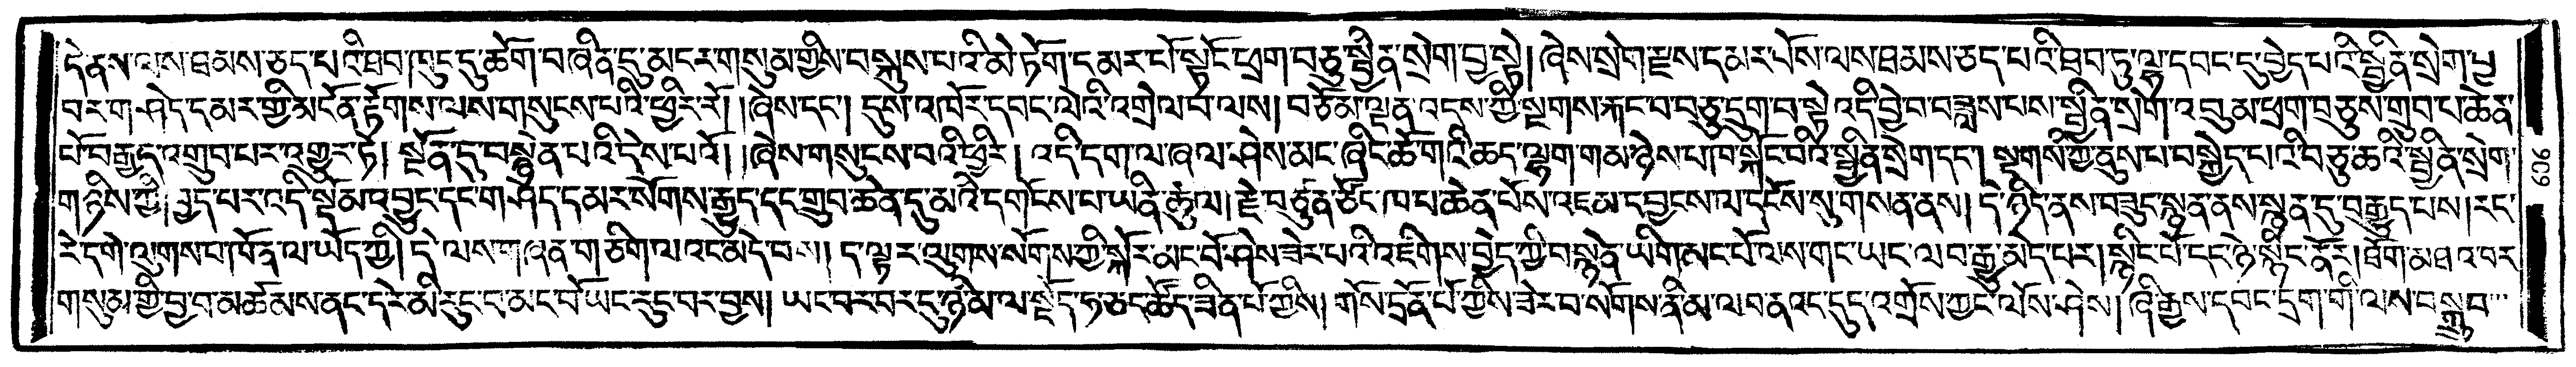དེ་ནས་ལས་ཐམས་ཅད་པའི་ཐབ་ཁུང་དུ་ཆོག་བཞིན་དུ་མངར་གསུམ་གྱིས་བསྐུས་པའི་མེ་ཏོག་དམར་པོ་སྟོང་ཕྲག་བཅུ་སྦྱིན་སྲེག་བྱ་སྟེ། ཞེས་སྲེག་རྫས་དམར་པོས་ལས་ཐམས་ཅད་པའི་ཐབ་ཏུ་ལྷ་དབང་དུ་བྱེད་པའི་སྦྱིན་སྲེག་བྱ་
བར་གཤེད་དམར་གྱི་མངོན་རྟོགས་ལས་གསུངས་པའི་ཕྱིར་རོ། །ཞེས་དང་། དུས་འཁོར་དབང་ལེའི་འགྲེལ་པ་ལས། བཅོམ་ལྡན་འདས་ཀྱི་སྔགས་རྐང་པ་བཅུ་དྲུག་བ་སྟེ་འདི་བྱེ་བ་བཟླས་པས་སྦྱིན་སྲེག་འབུམ་ཕྲག་བཅུས་གྲུབ་པ་ཆེན་
པོ་བརྒྱད་འགྲུབ་པར་འགྱུར་ཏེ། སྔོན་དུ་བསྙེན་པའི་དེས་པའོ། །ཞེས་གསུངས་པའི་ཕྱིར། འདི་དག་ལ་ཞལ་ཤེས་མང་ཞིང་ཆོ་གའི་ཆད་ལྷག་གམ་ཉེས་པ་ཁ་སྐོང་བའི་སྦྱིན་སྲེག་དང་། སྔགས་ཀྱི་ནུས་པ་བསྐྱེད་པའི་བཅུ་ཆའི་སྦྱིན་སྲེག་
གཉིས་ཀྱི་ཁྱད་པར་འདི་སྡོམ་འབྱུང་དང་གཤེད་དམར་སོགས་རྒྱུད་དང་གྲུབ་ཆེན་དུ་མའི་དགོངས་པ་ཡིན་ཚུལ། རྗེ་བཙུན་ཙོང་ཁ་པ་ཆེན་པོས་འཇམ་དབྱངས་ལ་དངོས་སུ་གསན་ནས། དེ་ཉིད་ནས་བཟུང་སྙན་ནས་སྙན་དུ་བརྒྱུད་པས། རང་
རེ་དགེ་ལུགས་པ་ཁོ་ན་ལ་ཡོད་ཀྱི། དེ་ལས་གཞན་གཅིག་ལའང་མེད་པས། ད་ལྟར་ལུགས་སོགས་ཀྱི་སྐོར་མང་པོ་ཤེས་ཟེར་པའི་འཇིགས་བྱེད་ཀྱི་བསྙེན་ཡིག་མང་པོ་ལས་གང་ཡང་ལ་བརྒྱུ་མེད་པར། སྙིང་པོ་དང་ཉེ་སྙིང་ནོར། ཐོག་མཐའ་བར་
གསུམ་གྱི་བྱ་བ་མཚམས་ནང་དེར་མི་རུང་བ་མང་པོ་ཡང་རུང་བར་བྱས། ཡང་བར་བར་དུ་ཉི་མ་ལ་སྡོད་ཧ་ཅང་ཚོད་ཟིན་པོ་ཀྱིས། གོས་དྲོན་པོ་ཀྱིས་ཟེར་བ་སོགས་ནི་མ་ལབ་ནའང་དུད་འགྲོས་ཀྱང་ལོས་ཤེས། ཞི་རྒྱས་དབང་དྲག་གི་ལས་བསྒྲུབ་